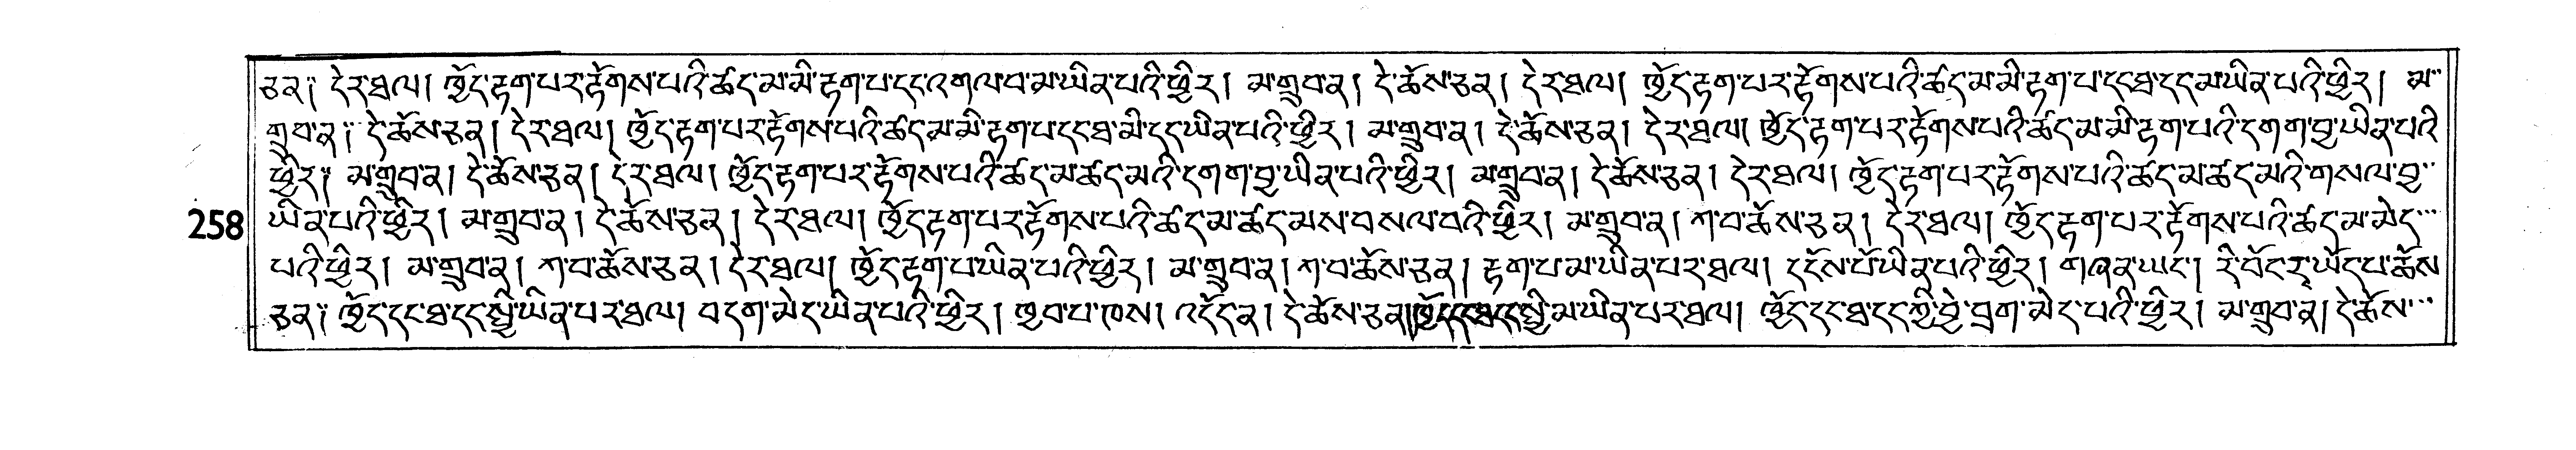ཅན༑ དེར་ཐལ། ཁྱོད་རྟག་པར་རྟོགས་པའི་ཚད་མ་མི་རྟག་པ་དང་འགལ་བ་མ་ཡིན་པའི་ཕྱིར། མ་གྲུབ་ན། དེ་ཆོས་ཅན། དེར་ཐལ། ཁྱོད་རྟག་པར་རྟོགས་པའི་ཚད་མ་མི་རྟག་པ་དང་ཐ་དད་མ་ཡིན་པའི་ཕྱིར། མ་
གྲུབ་ན༑ དེ་ཆོས་ཅན། དེར་ཐལ། ཁྱོད་རྟག་པར་རྟོགས་པའི་ཚད་མ་མི་རྟག་པ་དང་ཐ་མི་དད་ཡིན་པའི་ཕྱིར། མ་གྲུབ་ན། དེ་ཆོས་ཅན། དེར་ཐལ། ཁྱོད་རྟག་པར་རྟོགས་པའི་ཚད་མ་མི་རྟག་པའི་དགག་བྱ་ཡིན་པའི་
ཕྱིར༑ མ་གྲུབ་ན། དེ་ཆོས་ཅན། དེར་ཐལ། ཁྱོད་རྟག་པར་རྟོགས་པའི་ཚད་མ་ཚད་མའི་དགག་བྱ་ཡིན་པའི་ཕྱིར། མ་གྲུབ་ན། དེ་ཆོས་ཅན། དེར་ཐལ། ཁྱོད་རྟག་པར་རྟོགས་པའི་ཚད་མ་ཚད་མའི་གསལ་བྱ་
ཡིན་པའི་ཕྱིར། མ་གྲུབ་ན། དེ་ཆོས་ཅན། དེར་ཐལ། ཁྱོད་རྟག་པར་རྟོགས་པའི་ཚད་མ་ཚད་མས་བསལ་བའི་ཕྱིར། མ་གྲུབ་ན། ཀ་བ་ཆོས་ཅན། དེར་ཐལ། ཁྱོད་རྟག་པར་རྟོགས་པའི་ཚད་མ་མེད་
པའི་ཕྱིར། མ་གྲུབ་ན། ཀ་བ་ཆོས་ཅན། དེར་ཐལ། ཁྱོད་རྟག་པ་ཡིན་པའི་ཕྱིར། མ་གྲུབ་ན། ཀ་བ་ཆོས་ཅན། རྟག་པ་མ་ཡིན་པར་ཐལ། དངོས་པོ་ཡིན་པའི་ཕྱིར། གཞན་ཡང་། རི་བོང་རྭ་ཡོད་པ་ཆོས་
ཅན༑ ཁྱོད་དང་ཐ་དད་སྤྱི་ཡིན་པར་ཐལ། བདག་མེད་ཡིན་པའི་ཕྱིར། ཁྱབ་པ་ཁས། འདོད་ན། དེ་ཆོས་ཅན། ཁྱོད་དང་ཐ་དད་སྤྱི་མ་ཡིན་པར་ཐལ། ཁྱོད་དང་ཐ་དད་ཀྱི་བྱེ་བྲག་མེད་པའི་ཕྱིར། མ་གྲུབ་ན། དེ་ཆོས་